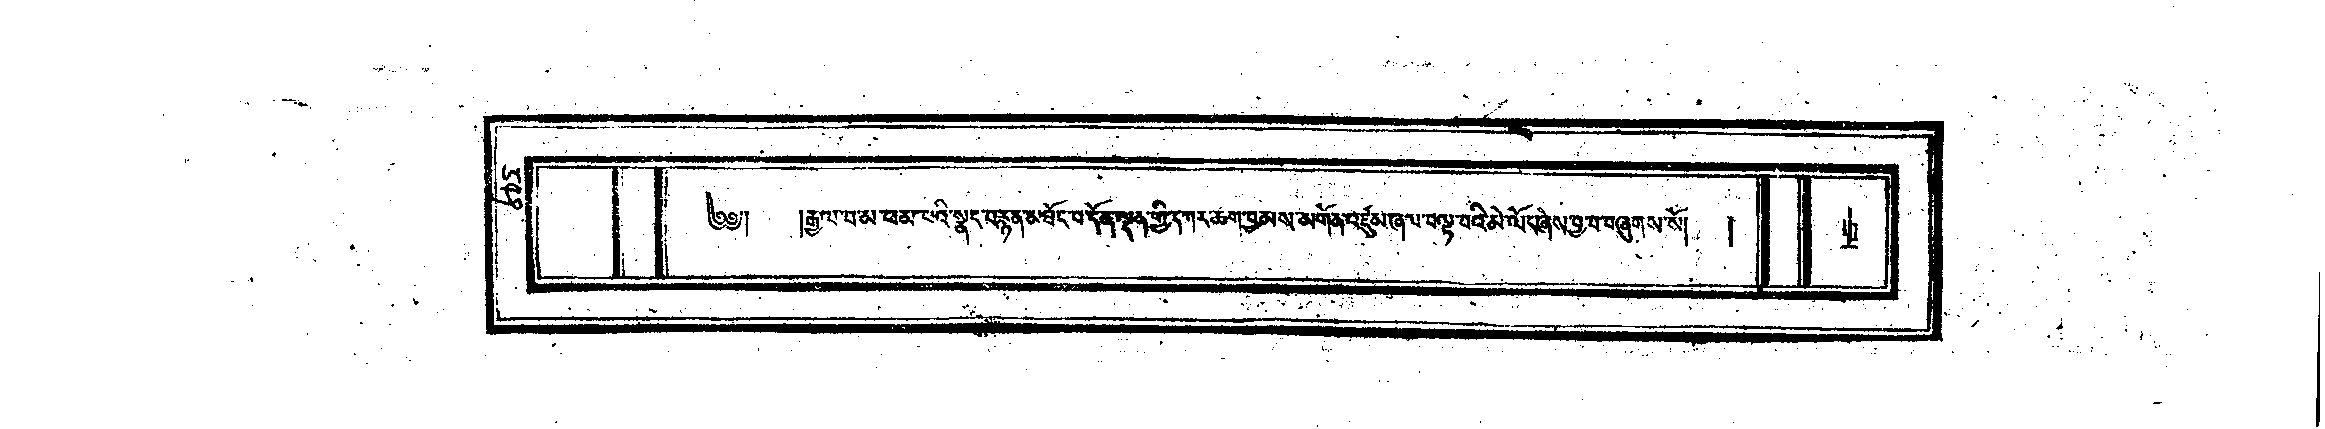༄༅། །རྒྱལ་བ་མ་ཕམ་པའི་སྣང་བརྙན་མཐོང་བ་དོན་ལྡན་གྱི་དཀར་ཆག་བྱམས་མགོན་འཛུམ་ཞལ་བལྟ་བའི་མེ་ལོང་ཞེས་བྱ་བ་བཞུགས་སོ། །